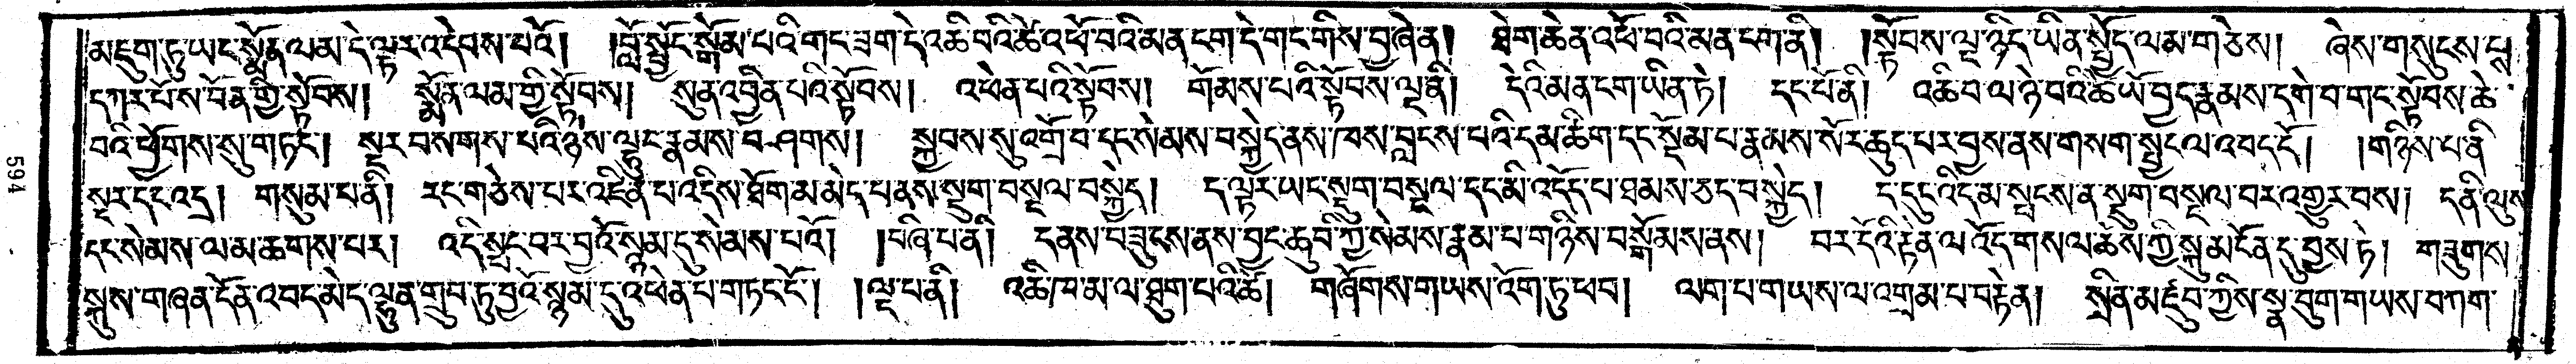མཇུག་ཏུ་ཡང་སྨོན་ལམ་དེ་ལྟར་འདེབས་པའོ། །བློ་སྦྱོང་སྒོམ་པའི་གང་ཟག་དེ་འཆི་བའི་ཚེ་འཕོ་བའི་མན་ངག་དེ་གང་གིས་བྱ་ཞེ་ན། ཐེག་ཆེན་འཕོ་བའི་མན་ངག་ནི། །སྟོབས་ལྔ་ཉིད་ཡིན་སྤྱོད་ལམ་གཅེས། ཞེས་གསུངས་པས་
དཀར་པོ་ས་བོན་གྱི་སྟོབས། སྨོན་ལམ་གྱི་སྟོབས། སུན་འབྱིན་པའི་སྟོབས། འཕེན་པའི་སྟོབས། གོམས་པའི་སྟོབས་ལྔ་ནི། དེའི་མན་ངག་ཡིན་ཏེ། དང་པོ་ནི། འཆི་བ་ལ་ཉེ་བའི་ཚེ་ཡོ་བྱད་རྣམས་དགེ་བ་གང་སྟོབས་ཆེ་
བའི་ཕྱོགས་སུ་གཏང་། སྔར་བསགས་པའི་ཉེས་ལྷུང་རྣམས་བཤགས། སྐྱབས་སུ་འགྲོ་བ་དང་སེམས་བསྐྱེད་ནས་ཁས་བླངས་པའི་དམ་ཚིག་དང་སྡོམ་པ་རྣམས་སོར་ཆུད་པར་བྱས་ནས་གསག་སྦྱང་ལ་འབད་དོ། །གཉིས་པ་ནི་
སྔར་དང་འདྲ། གསུམ་པ་ནི། རང་གཅེས་པར་འཛིན་པ་འདིས་ཐོག་མ་མེད་པ་ནས་སྡུག་བསྔལ་བསྐྱེད། ད་ལྟར་ཡང་སྡུག་བསྔལ་དང་མི་འདོད་པ་ཐམས་ཅད་བསྐྱེད། ད་དུང་འདི་མ་སྤངས་ནས་སྡུག་བསྔལ་བར་འགྱུར་བས། ད་ནི་ལུས་
དང་སེམས་ལ་མ་ཆགས་པར། འདི་སྤང་བར་བྱའོ་སྙམ་དུ་སེམས་པའོ། །བཞི་པ་ནི། ད་ནས་བཟུངས་ནས་བྱང་ཆུབ་ཀྱི་སེམས་རྣམ་པ་གཉིས་བསྒོམས་ནས། བར་དོའི་རྟེན་ལ་འོད་གསལ་ཆོས་ཀྱི་སྐུ་མངོན་དུ་བྱས་ཏེ། གཟུགས་
སྐུས་གཞན་དོན་འབད་མེད་ལྷུན་གྲུབ་ཏུ་བྱའོ་སྙམ་དུ་འཕེན་པ་གཏང་ངོ། །ལྔ་པ་ནི། འཆི་ཁ་མ་ལ་ཐུག་པའི་ཚེ། གཞོགས་གཡས་འོག་ཏུ་ཕབ། ལག་པ་གཡས་ལ་འགྲམ་པ་བརྟེན། སྲིན་མཛུབ་ཀྱིས་སྣ་བུག་གཡས་བཀག་